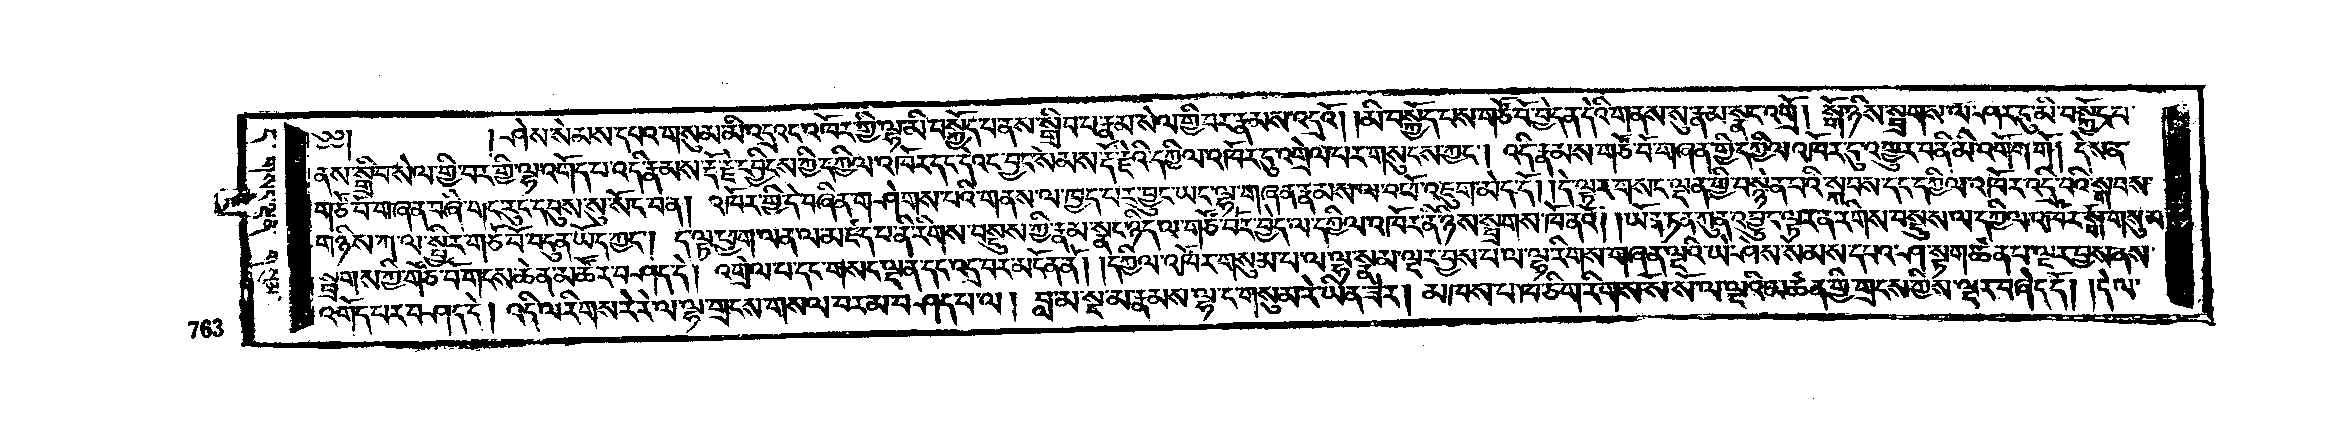༄༅། །ཤེས་སེམས་དཔའ་གསུམ་མི་འདྲའང་འཁོར་གྱི་ལྷ་མི་བསྐྱོད་པ་ནས་སྒྲིབ་པ་རྣམ་སེལ་གྱི་བར་རྣམས་འདྲའོ། །མི་བསྐྱོད་པས་གཙོ་བོ་བྱེད་ན་དེའི་གནས་སུ་རྣམ་སྣང་འགྲོ། སྒོ་ཉིས་སྦྲགས་ལ་ཤར་དུ་མི་བསྐྱོད་པ་
ནས་སྒྲིབ་སེལ་གྱི་བར་གྱི་ལྷ་འགོད་པ་འདི་རྣམས་རྡོ་རྗེ་དབྱིངས་ཀྱི་དཀྱིལ་འཁོར་དང་དེའང་བྱང་སེམས་རྡོ་རྗེའི་དཀྱིལ་འཁོར་དུ་འགྲེལ་པར་གསུངས་ཀྱང་། འདི་རྣམས་གཙོ་བོ་གཞན་གྱི་དཀྱིལ་འཁོར་དུ་འགྱུར་བ་ནི་མི་འགོག་གོ །དེས་ན་
གཙོ་བོ་གཞན་བཞི་གང་རུང་དབུས་སུ་སོང་བ་ན། འཁོར་གྱི་དེ་བཞིན་གཤེགས་པའི་གནས་ལ་ཁྱད་པར་བྱུང་ཡང་ལྷ་གཞན་རྣམས་ལ་འཕོ་འཇུག་མེད་དོ། །དེ་ལྟར་གསང་ལྡན་གྱི་བསྙེན་པའི་སྐབས་དང་དཀྱིལ་འཁོར་འདྲི་བའི་སྒབས་
གཉིས་ཀ་ལ་སྤྱིར་གཙོ་བོ་བདུན་ཡོད་ཀྱང་། ད་ལྟ་ཕྱག་ལན་ལ་མཛད་པ་ནི་རིགས་བསྡུས་ཀྱི་རྣམ་སྣང་ཉིད་ལ་གཙོ་བོར་བྱེད་ལ་དཀྱིལ་འཁོར་ནི་ཉིས་སྦྲགས་ཁོ་ནའོ། །ཡོན་ཏན་ཀུན་འབྱུང་ལྟར་ན་རིགས་བསྡུས་ལ་དཀྱིལ་འཁོར་སྒོ་གསུམ་
སྦྲགས་ཀྱི་གཙོ་བོ་གངས་ཆེན་མཚོར་བཤད་དེ། འགྲེལ་པ་དང་གསང་ལྡན་དང་འདྲ་བར་མངོན་ནོ། །དཀྱིལ་འཁོར་གསུམ་པ་ལ་ལྷ་སྣམ་ལྔར་བྱས་པ་ལ་ལྷ་རིགས་གཞན་ལྔའི་ཡེ་ཤེས་སེམས་དཔའ་ཤ་སྟག་ཚན་པ་ལྔར་བྱས་ནས་
འགོད་པར་བཤད་དེ། འདི་ལ་རིགས་རེ་རེ་ལ་ལྷ་གྲངས་གསལ་བར་མ་བཤད་པ་ལ། བླ་མ་སྔ་མ་རྣམས་ལྷ་ང་གསུམ་རེ་ཡིན་ཟེར། མཁས་པ་ཁ་ཅིག་རིགས་སོ་སོ་ལ་ལྔའི་མཚན་གྱི་གྲངས་ཀྱིས་ལྔར་བཞེད་དོ། །དེ་ལ་